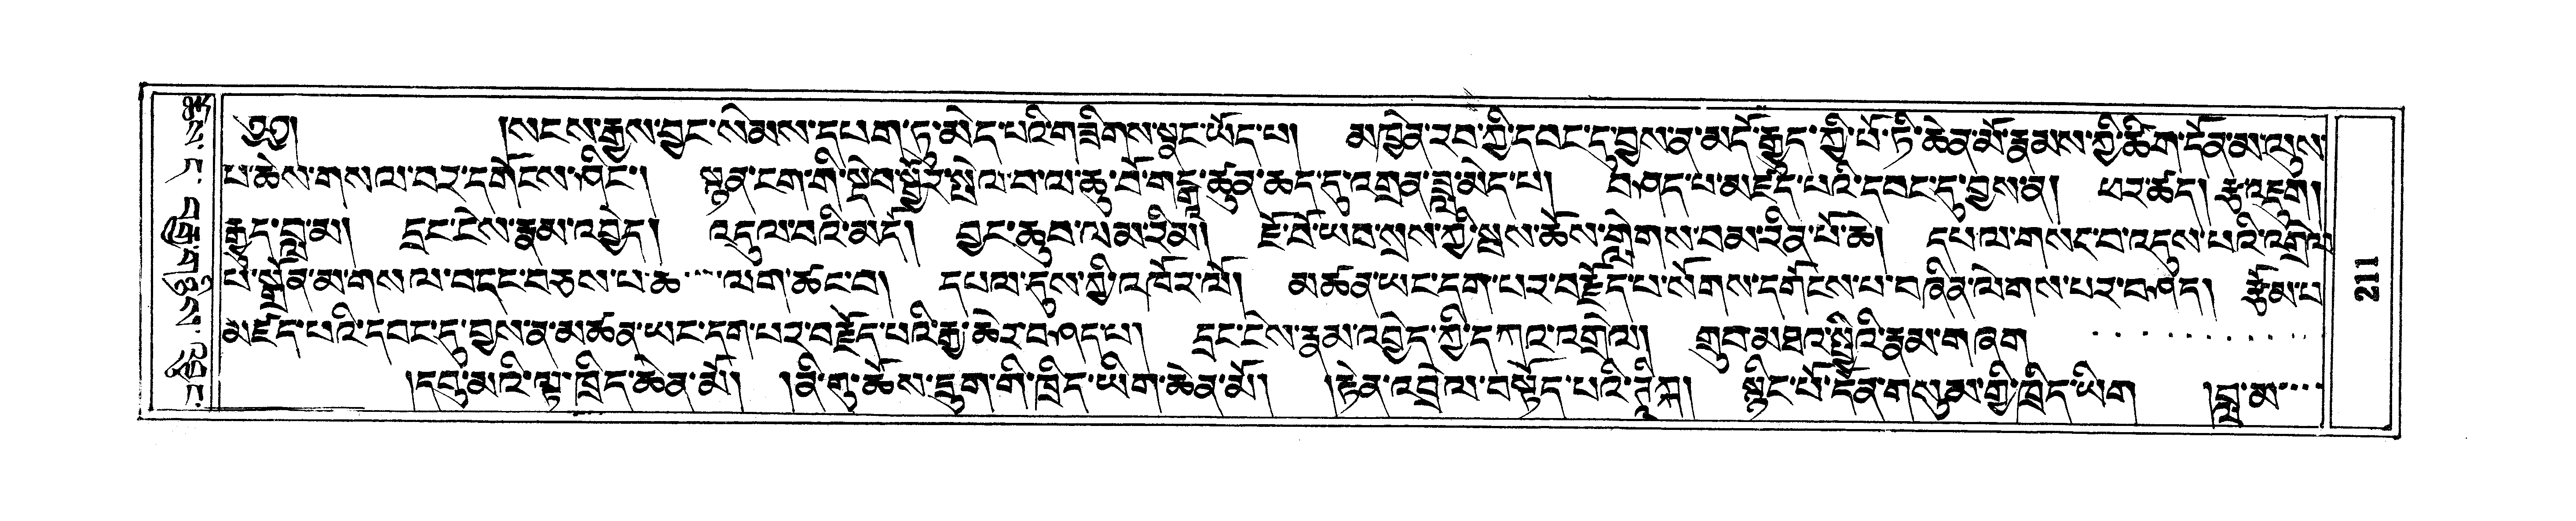༄༅། །སངས་རྒྱས་བྱང་སེམས་དཔག་ཏུ་མེད་པའི་གཟིགས་སྣང་ཡོད་པ། མཁྱེན་རབ་ཀྱི་དབང་དུ་བྱས་ན་མདོ་རྒྱུད་ཀྱི་པོ་ཏི་ཆེན་མོ་རྣམས་ཀྱི་ཚིག་དོན་མ་ལུས་
པ་ཆེས་གསལ་བར་དགོངས་ཤིང་། སྙན་ངག་གི་སྡེབ་སྦྱོར་སྤེལ་བ་ལ་ཆུ་བོ་གངྒཱ་ཚུན་ཆད་དུ་འགྲན་ཟླ་མེད་པ། བཤད་པ་མཛད་པའི་དབང་དུ་བྱས་ན། ཕར་ཚད། རྩ་འཇུག།
རྒྱུད་བླ་མ། དྲང་ངེས་རྣམ་འབྱེད། འདུལ་བའི་མདོ། བྱང་ཆུབ་ལམ་རིམ། ཇོ་བོ་ཡབ་སྲས་ཀྱི་སྦས་ཆོས་གླེགས་བམ་རིན་པོ་ཆེ། དཔལ་གསང་བ་འདུས་པའི་འགྲེལ་
པ་སྒྲོན་མ་གསལ་བ་དང་བཅས་པ་ཆ་ལག་ཚང་བ། དཔལ་དུས་ཀྱི་འཁོར་ལོ། མཚན་ཡང་དག་པར་བརྗོད་པ་སོགས་དགོངས་པ་བཞིན་ལེགས་པར་བཤད། རྩོམ་པ་
མཛད་པའི་དབང་དུ་བྱས་ན་མཚན་ཡང་དག་པར་བརྗོད་པའི་རྒྱ་ཆེར་བཤད་པ། དྲང་ངེས་རྣམ་འབྱེད་ཀྱི་དཀའ་འགྲེལ། གྲུབ་མཐའ་སྤྱིའི་རྣམ་གཞག་
།དབུ་མའི་ལྟ་ཁྲིད་ཆེན་མོ། །ནི་གུ་ཆོས་དྲུག་གི་ཁྲིད་ཡིག་ཆེན་མོ། །རྟེན་འབྲེལ་བསྟོད་པའི་ཊཱིཀྐ། སྙིང་པོ་དོན་གསུམ་གྱི་ཁྲིད་ཡིག །བླ་མ་